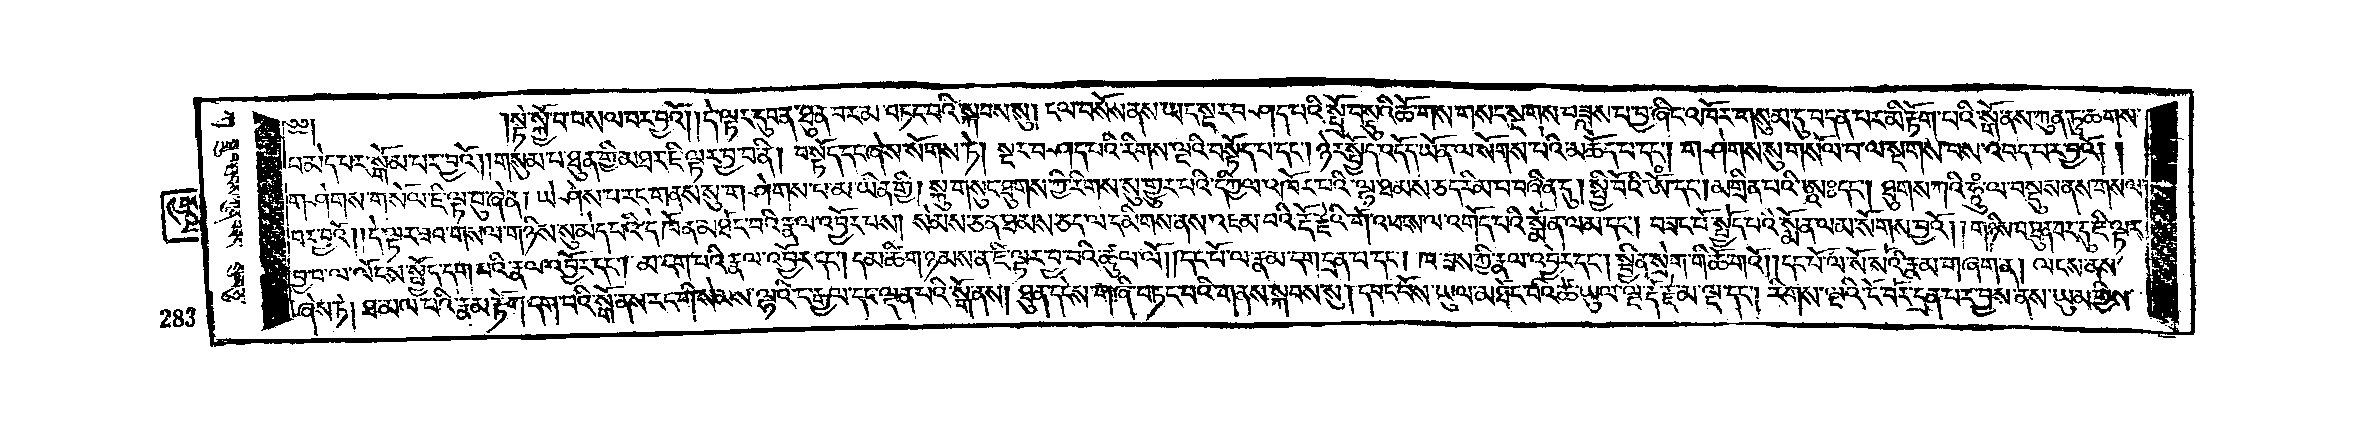༄༅། །སྟེ་སྐྱོ་བ་བསལ་བར་བྱའོ། །དེ་ལྟར་དུ་བ་ན་ཐུན་པར་མ་བཏང་བའི་སྐབས་སུ། ངལ་བསོས་ནས་ཡང་སྔར་བཤད་པའི་སྤྲོ་བསྡུའི་ཆོགས་གསང་སྔགས་བཟླས་པ་བྱ་ཞིང་འཁོར་གསུམ་དུ་བདན་པར་མི་རྟོག་པའི་སྒོ་ནས་ཀུན་ཏུ་ཆགས་
པ་མེད་པར་སྒོམ་པར་བྱའོ། །གསུམ་པ་ཐུན་གྱི་མཐར་ཇི་ལྟར་བྱ་བ་ནི། བསྟོད་དང་ཞེས་སོགས་ཏེ། སྔར་བཤད་པའི་རིགས་ལྔའི་བསྟོད་པ་དང་། ཉེར་སྤྱོད་འདོད་ཡོན་ལ་སོགས་པའི་མཆོད་པ་དང་། གཤེགས་སུ་གསོལ་བ་ལ་སྔགས་པས་འབད་པར་བྱའོ། །
གཤེགས་གསོལ་ཇི་ལྟ་བུ་ཞེ་ན། ཡེ་ཤེས་པ་རང་གནས་སུ་གཤེགས་པ་མ་ཡིན་གྱི། སྐུ་གསུང་ཐུགས་ཀྱི་རིགས་སུ་གྱུར་པའི་དཀྱིལ་འཁོར་པའི་ལྷ་ཐམས་ཅད་རིམ་པ་བཞིན་དུ། སྤྱི་བོའི་ཨོཾ་དང་། མགྲིན་པའི་ཨཱཿ དང་། ཐུགས་ཀའི་ཧཱུཾ་ལ་བསྡུས་ནས་གསལ་
བར་བྱའོ། །དེ་ལྟར་ཟབ་གསལ་གཉིས་སུ་མེད་པའི་དེ་ཁོ་ན་མཐོང་བའི་རྣལ་འབྱོར་པས། སེམས་ཅན་ཐམས་ཅད་ལ་དམིགས་ནས་འཇམ་པའི་རྡོ་རྗེའི་གོ་འཕངས་ལ་འགོད་པའི་སྨོན་ལམ་དང་། བཟང་པོ་སྤྱོད་པའི་སྨོན་ལམ་སོགས་བྱའོ། །གཉིས་པ་ཐུན་པར་དུ་ཇི་ལྟར་
བྱ་བ་ལ་ལོངས་སྤྱོད་དག་པའི་རྣལ་འབྱོར་དང་། མ་དག་པའི་རྣལ་འབྱོར་དང་། དམ་ཚིག་ཉམས་ན་ཇི་ལྟར་བྱ་བའི་ཚུལ་ལོ། །དང་པོ་ལ་རྣམ་དག་དྲན་པ་དང་། ཁ་ཟས་ཀྱི་རྣལ་འབྱོར་དང་། སྦྱིན་སྲེག་གི་ཆོ་གའོ། །དང་པོ་ལ་སོ་སོའི་རྣམ་གཞག་ན། ལངས་ནས་
ཞེས་ཏེ། ཐ་མལ་པའི་རྣམ་རྟོག་དག་པའི་སྒོ་ནས་རང་གི་སེམས་ལྷའི་ང་རྒྱལ་དང་ལྡན་པའི་སྒོ་ནས། ཐུན་དངེས་གཞི་བཏང་བའི་གནས་སྐབས་སུ། དབང་པོས་ཡུལ་མཐོང་བའི་ཚེ་ཡུལ་ལྔ་རྡོ་རྗེ་མ་ལྔ་དང་། རིགས་ལྔའི་ངོ་བོར་དྲན་པར་བྱས་ནས་ཡུམ་གྱིས་